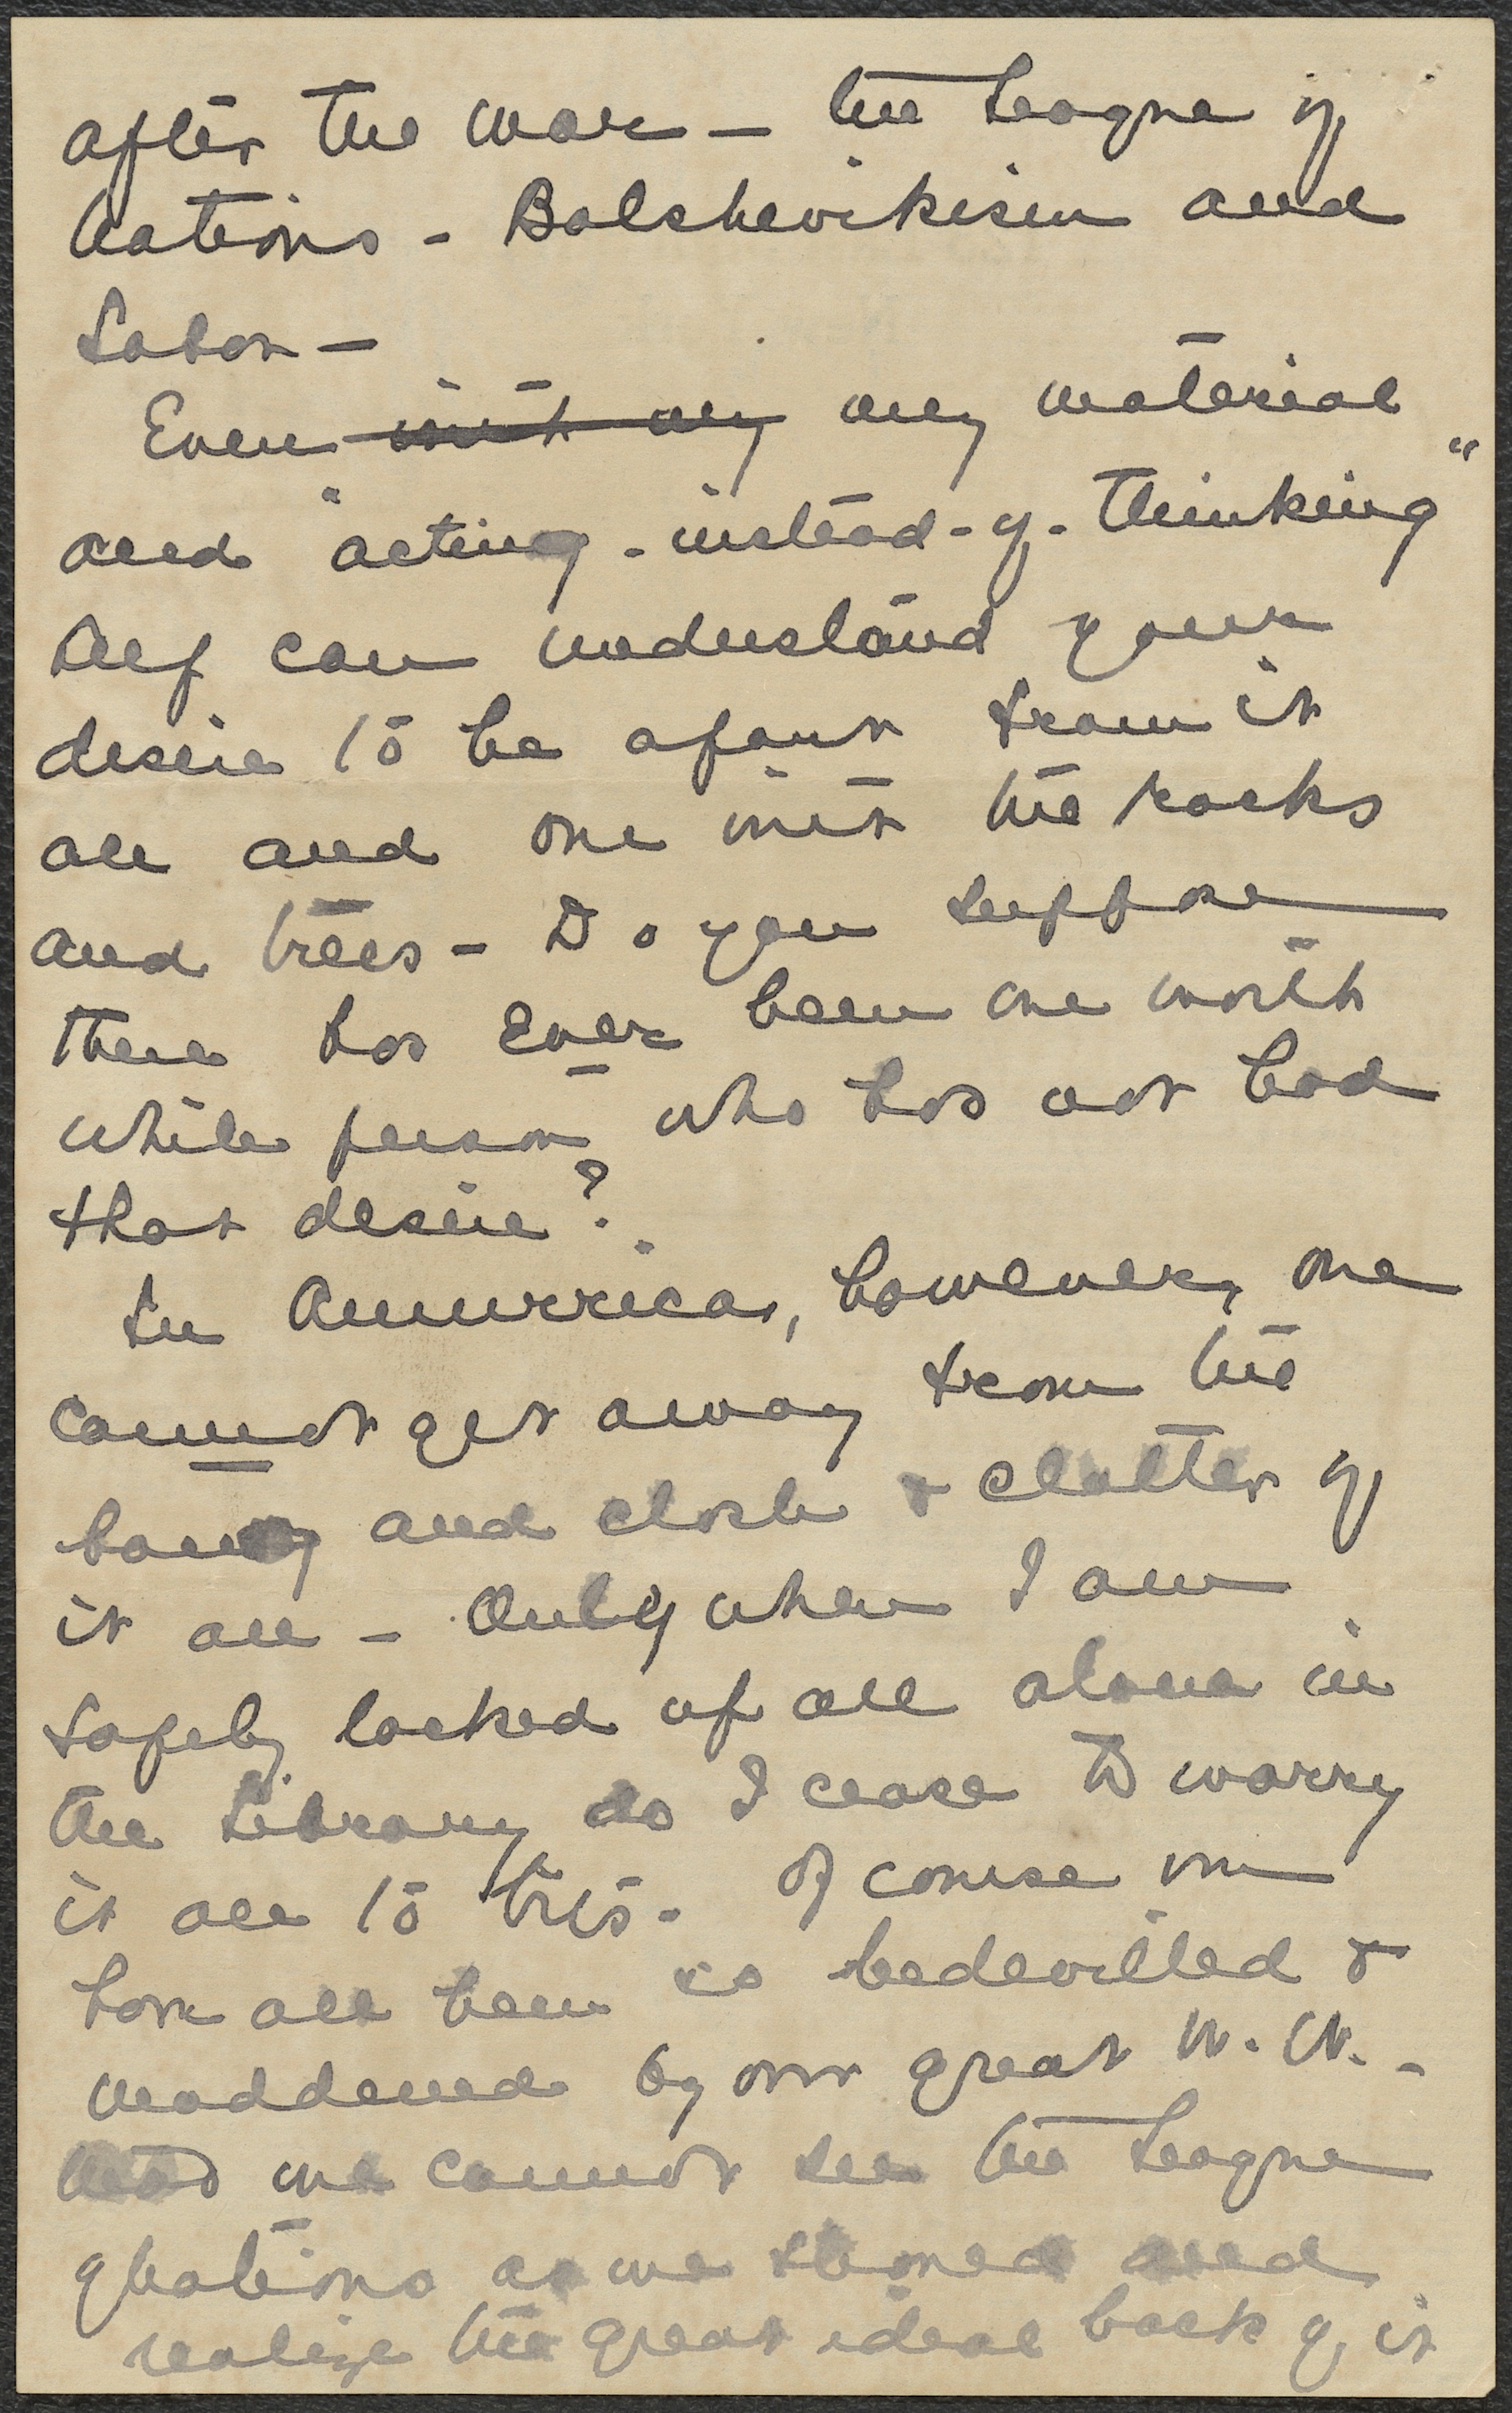after the war – the League of Nations – Bolshevikism and Labor –
Even with my my material and "acting-instead-of-thinking" self can understand your desire to be apart from it all and one with the rocks and trees – Do you suppose there has ever been one worth while person who has not had that desire?
In Amurrica, however, one cannot get away from the bang and clash & clatter of it all – Only when I am safely locked up all alone in the Library do I cease to worry it all to bits. Of course we have all been so bedevilled & maddened by our great W.W. – that we cannot see the League of Nations as we should and realize the great ideal back of it